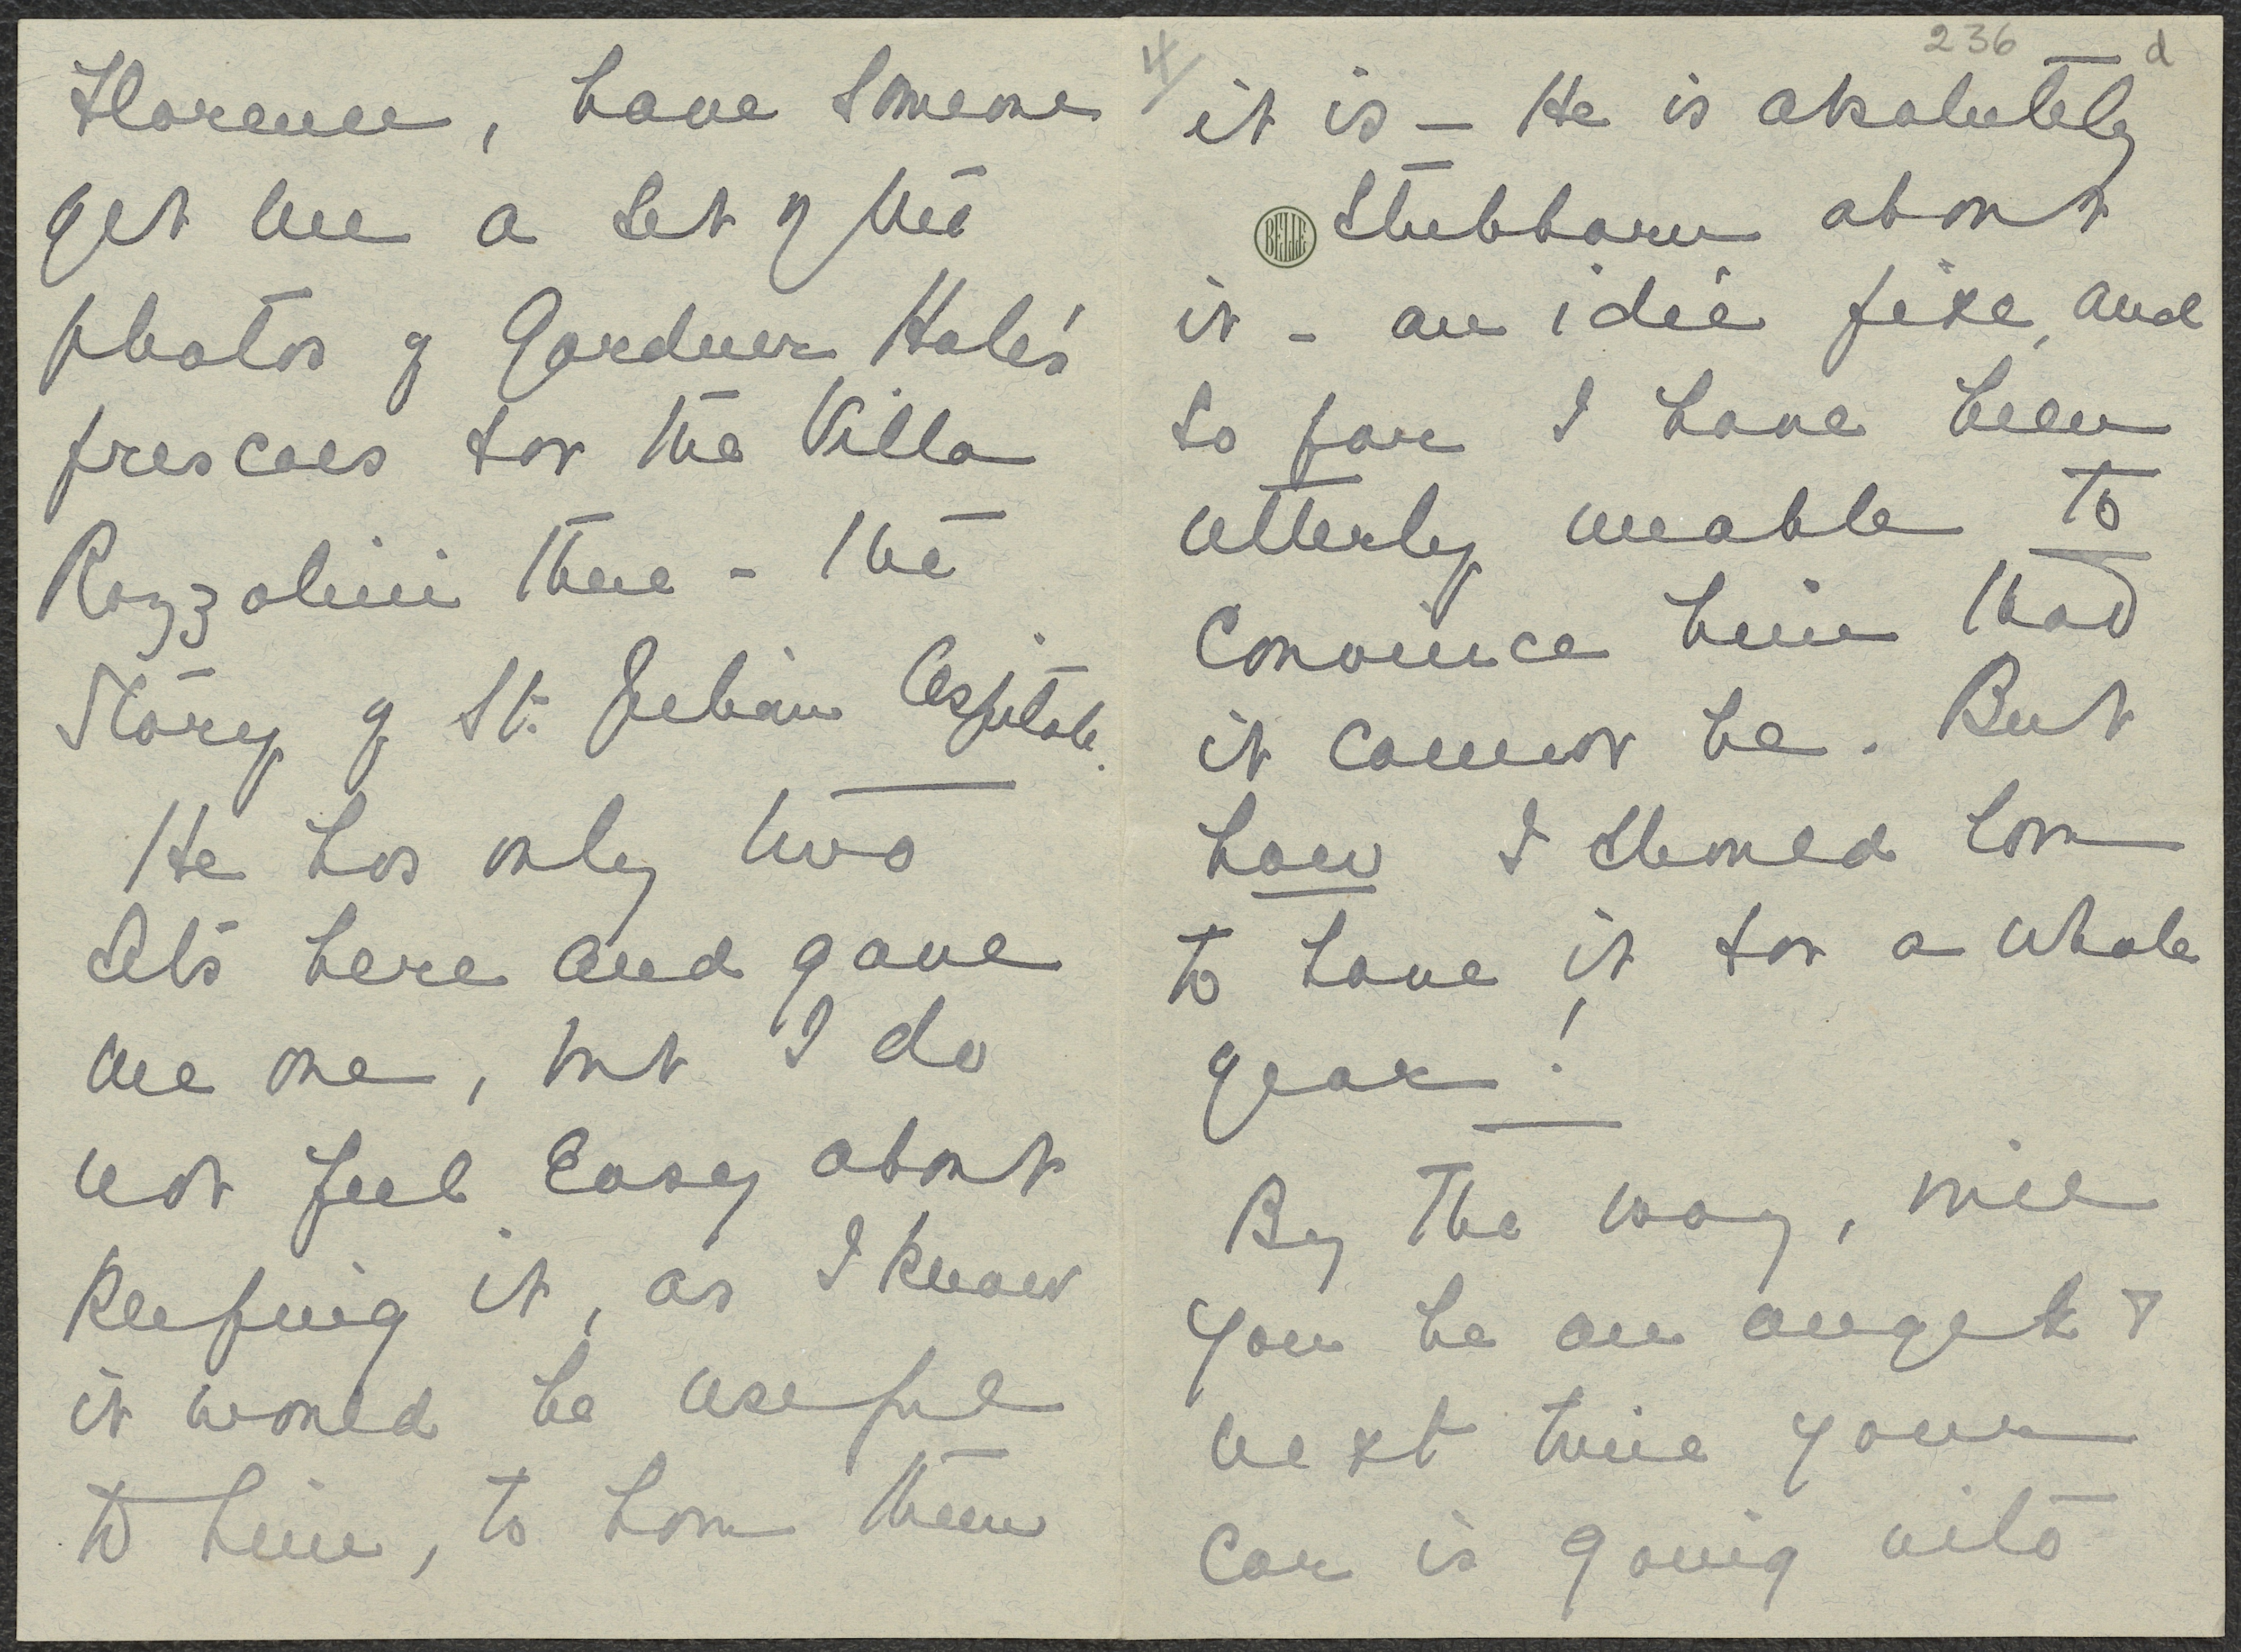4/
it is – He is absolutely stubborn about it – an idée fixe, and so far I have been utterly unable to convince him that it cannot be. But how I should love to have it for a whole year!
[linebreak across page]
By the way, will you be an angel & next time your car is going into
Florence, have someone get me a set of the photos of Gardner Hale’s frescoes for the Villa Razzolini there – the story of St. Julian Cespitole. He has only two sets here and gave me one, but I do not feel easy about keeping it, as I know it would be useful to him, to have them